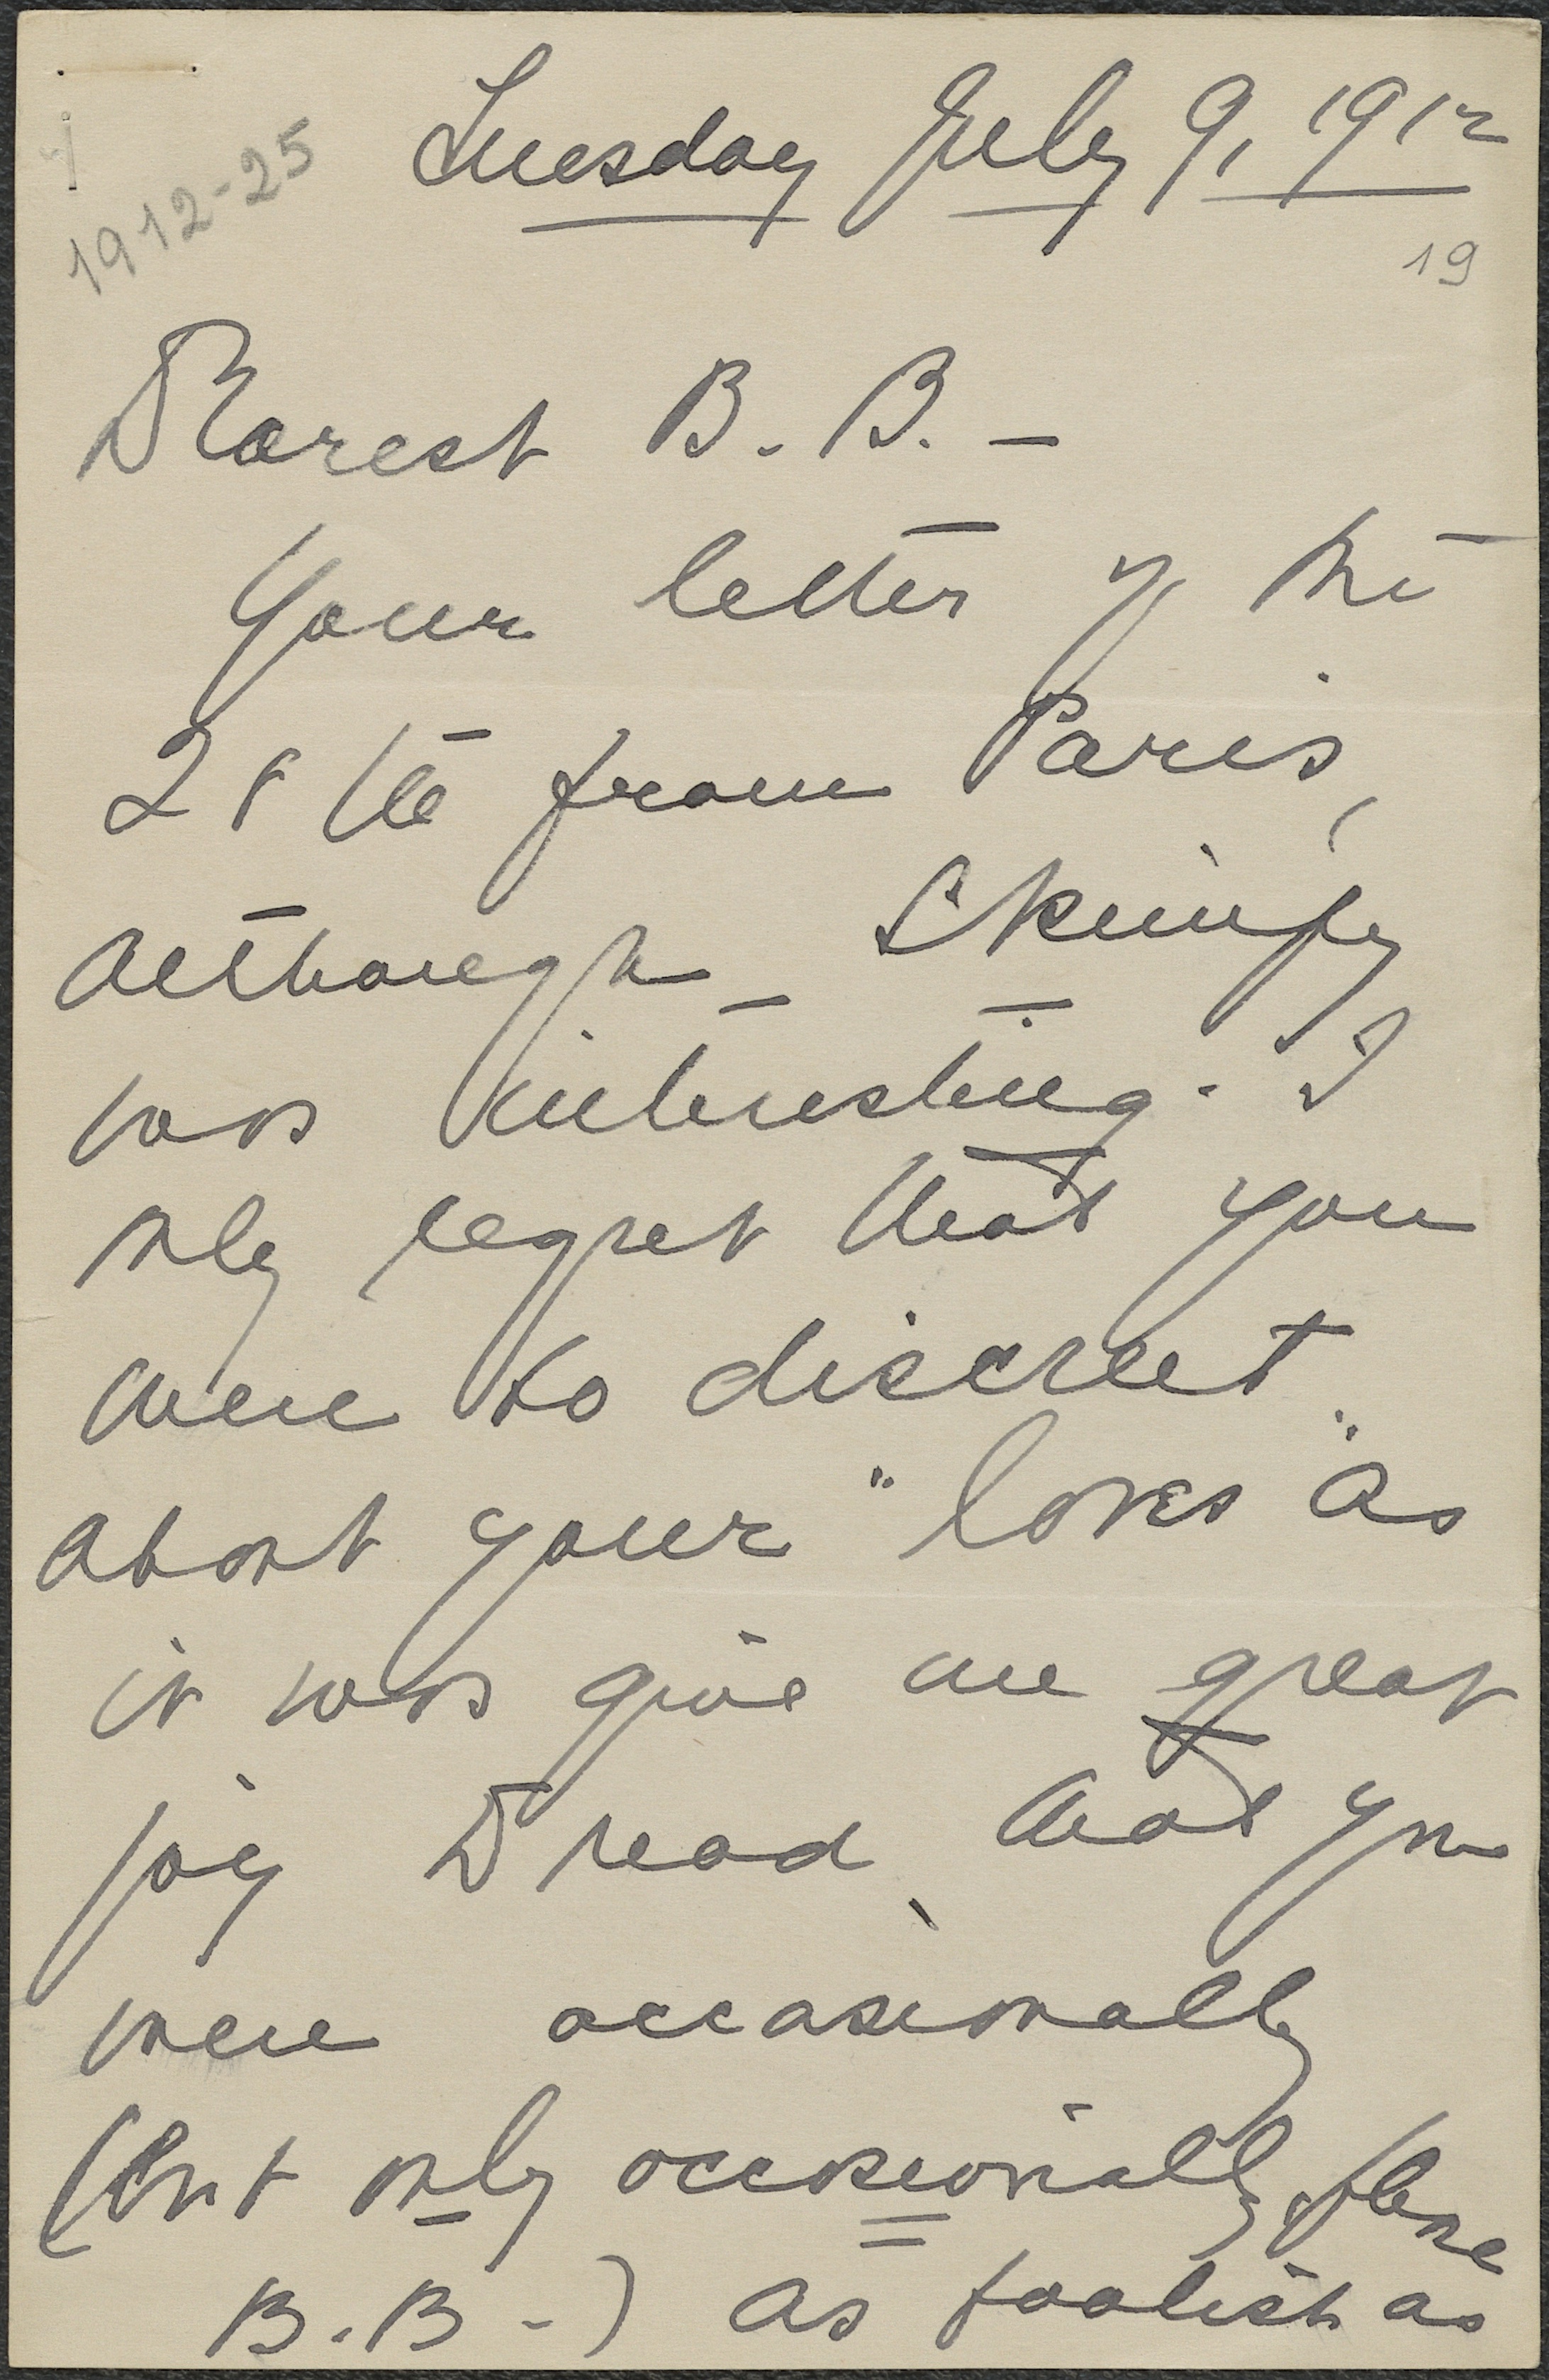Tuesday July 9, 1912
Dearest B. B. –
Your letter of the 28th from Paris, although skimpy was interesting – I only regret that you were so discreet about your “loves” as it was [sic] give me great joy to read that you were occasionally (but only [double underlined: occasionally], please B. B – ) as foolish as